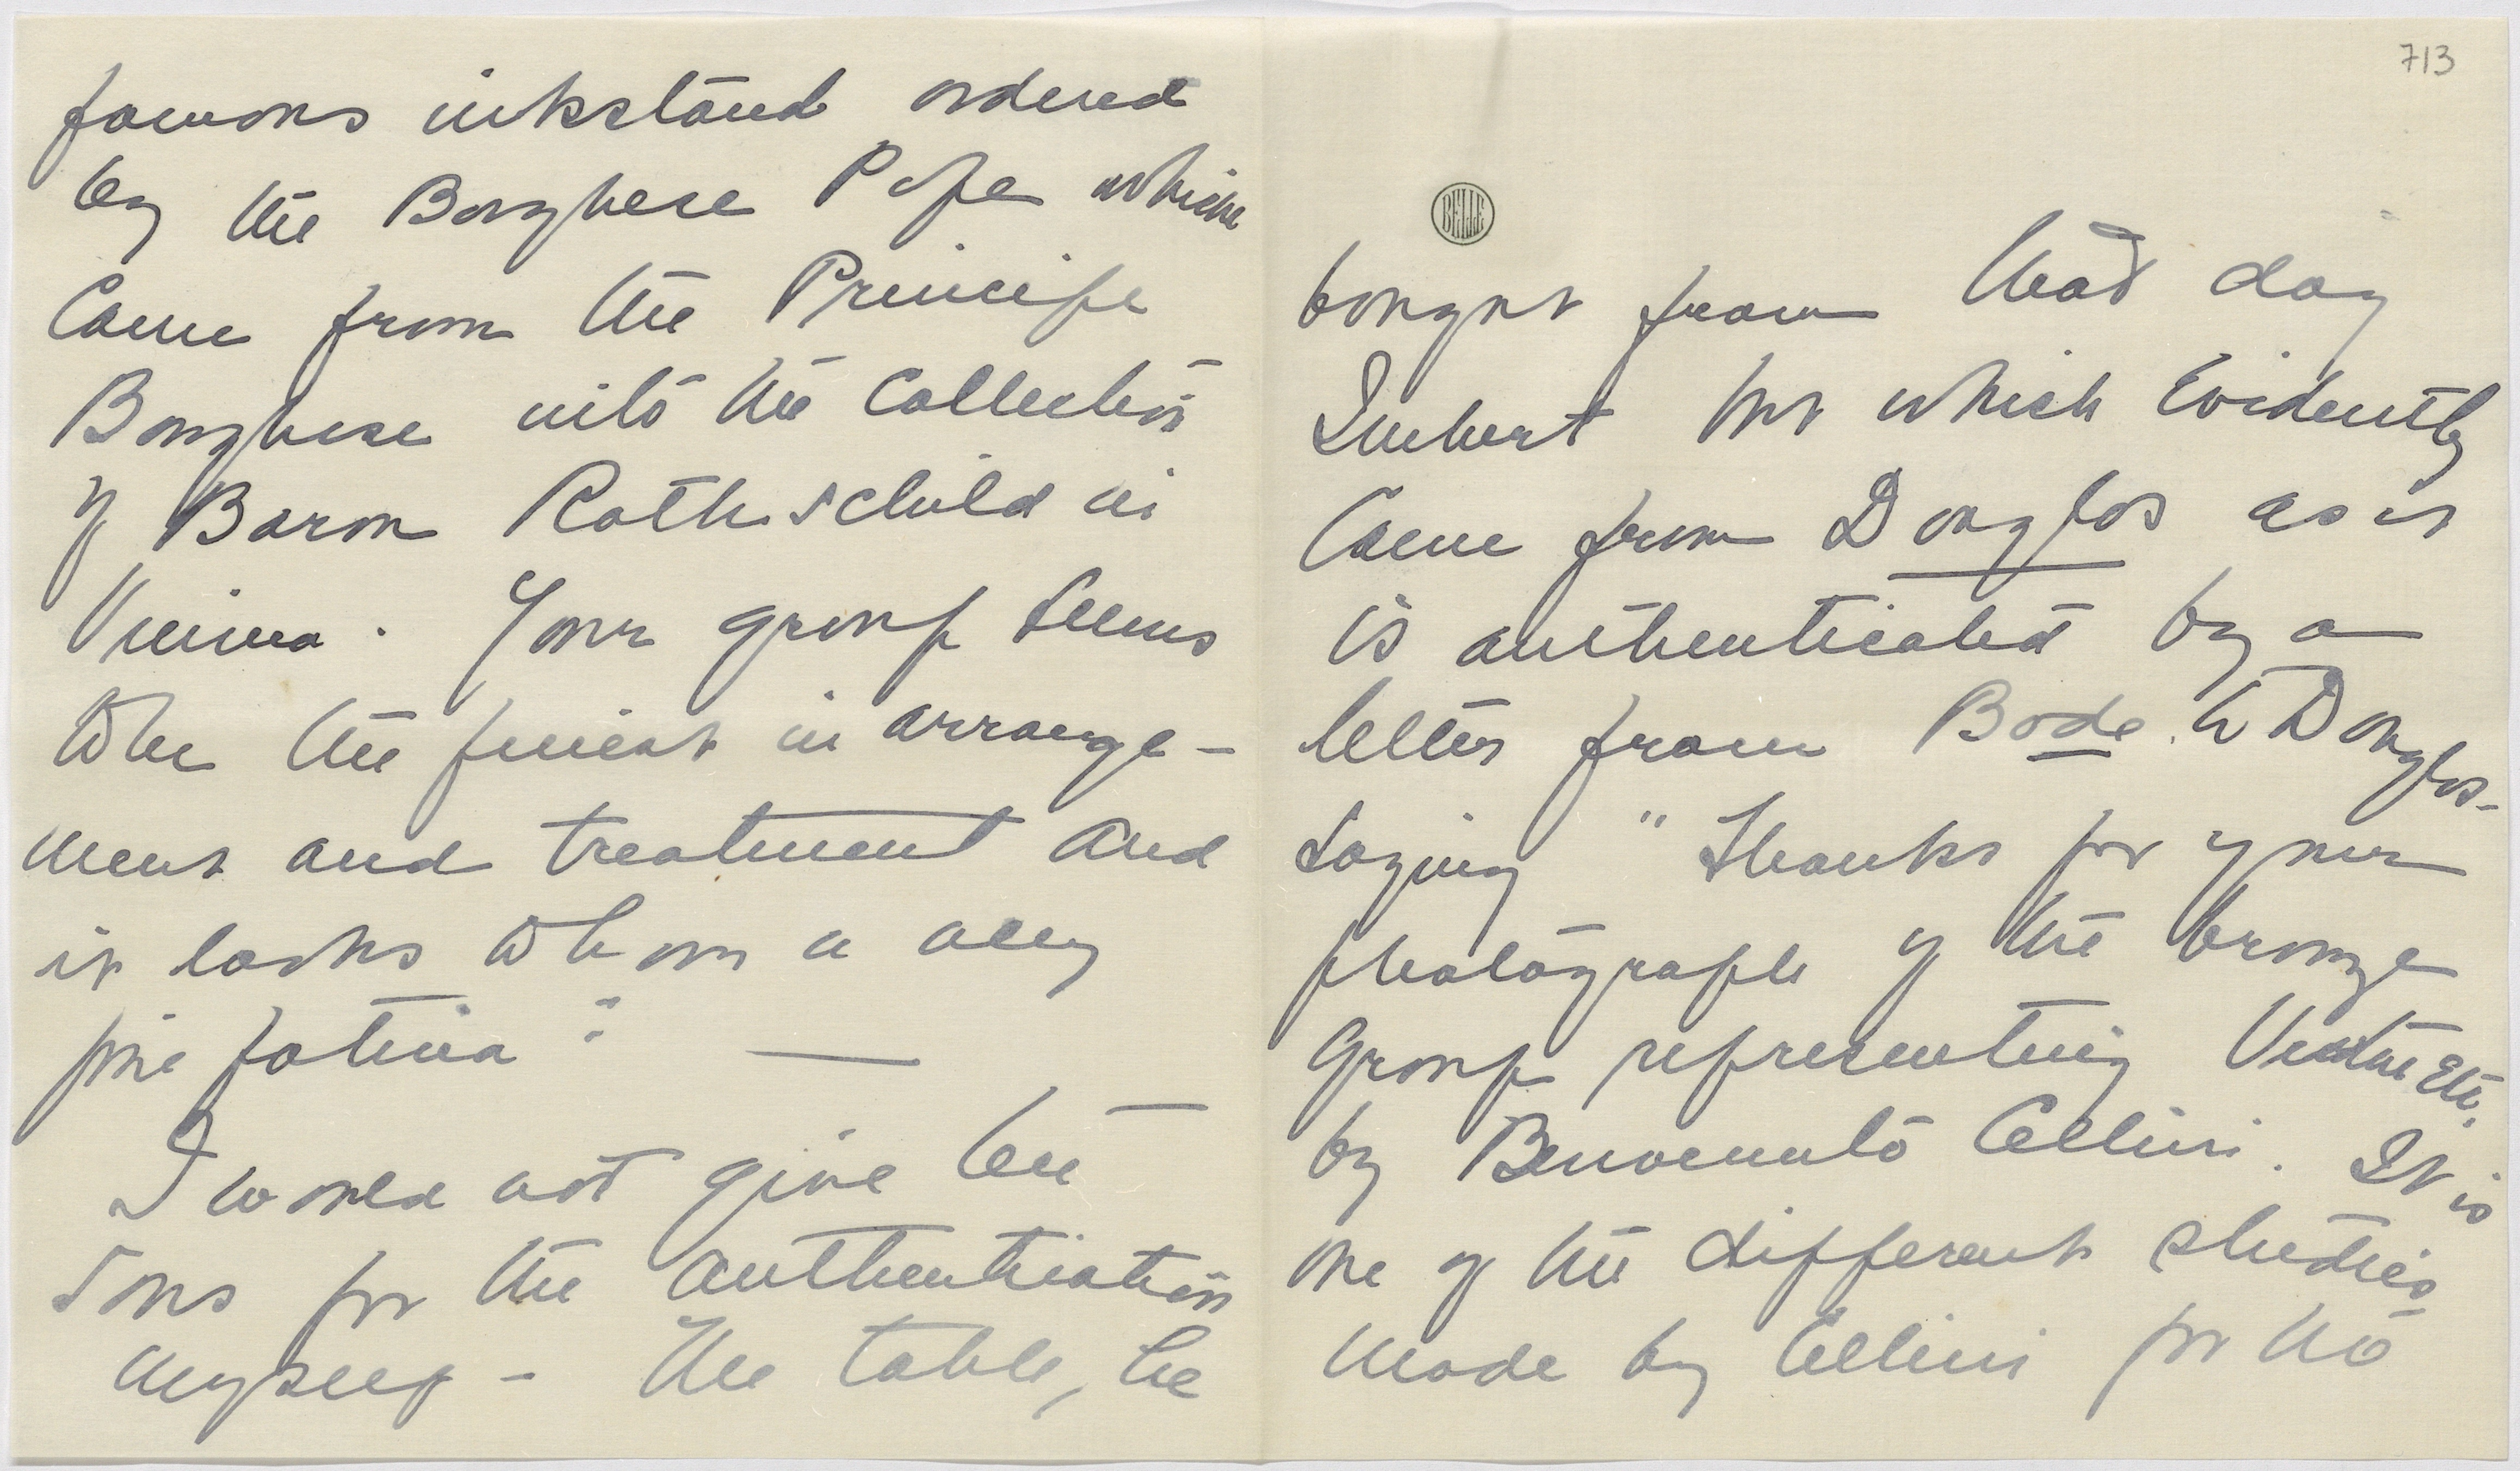bought from that day Imbert but which evidently came from Douglas as it is authenticated by a letter from Bode to Douglas saying “Thanks for your photographs of the bronze group representing Virtue etc. by Benvenuto Cellini. It is one of the different studies made by Cellini for the
famous inkstand ordered by the Borghese Pope which came from the Principe Borghese with the collection of Baron Rothschild in Vienna. Your group seems to be the finest in arrangement and treatment and it looks to be over a very fine patina.” –
I would not give ten sous for the authentication myself – the table, he